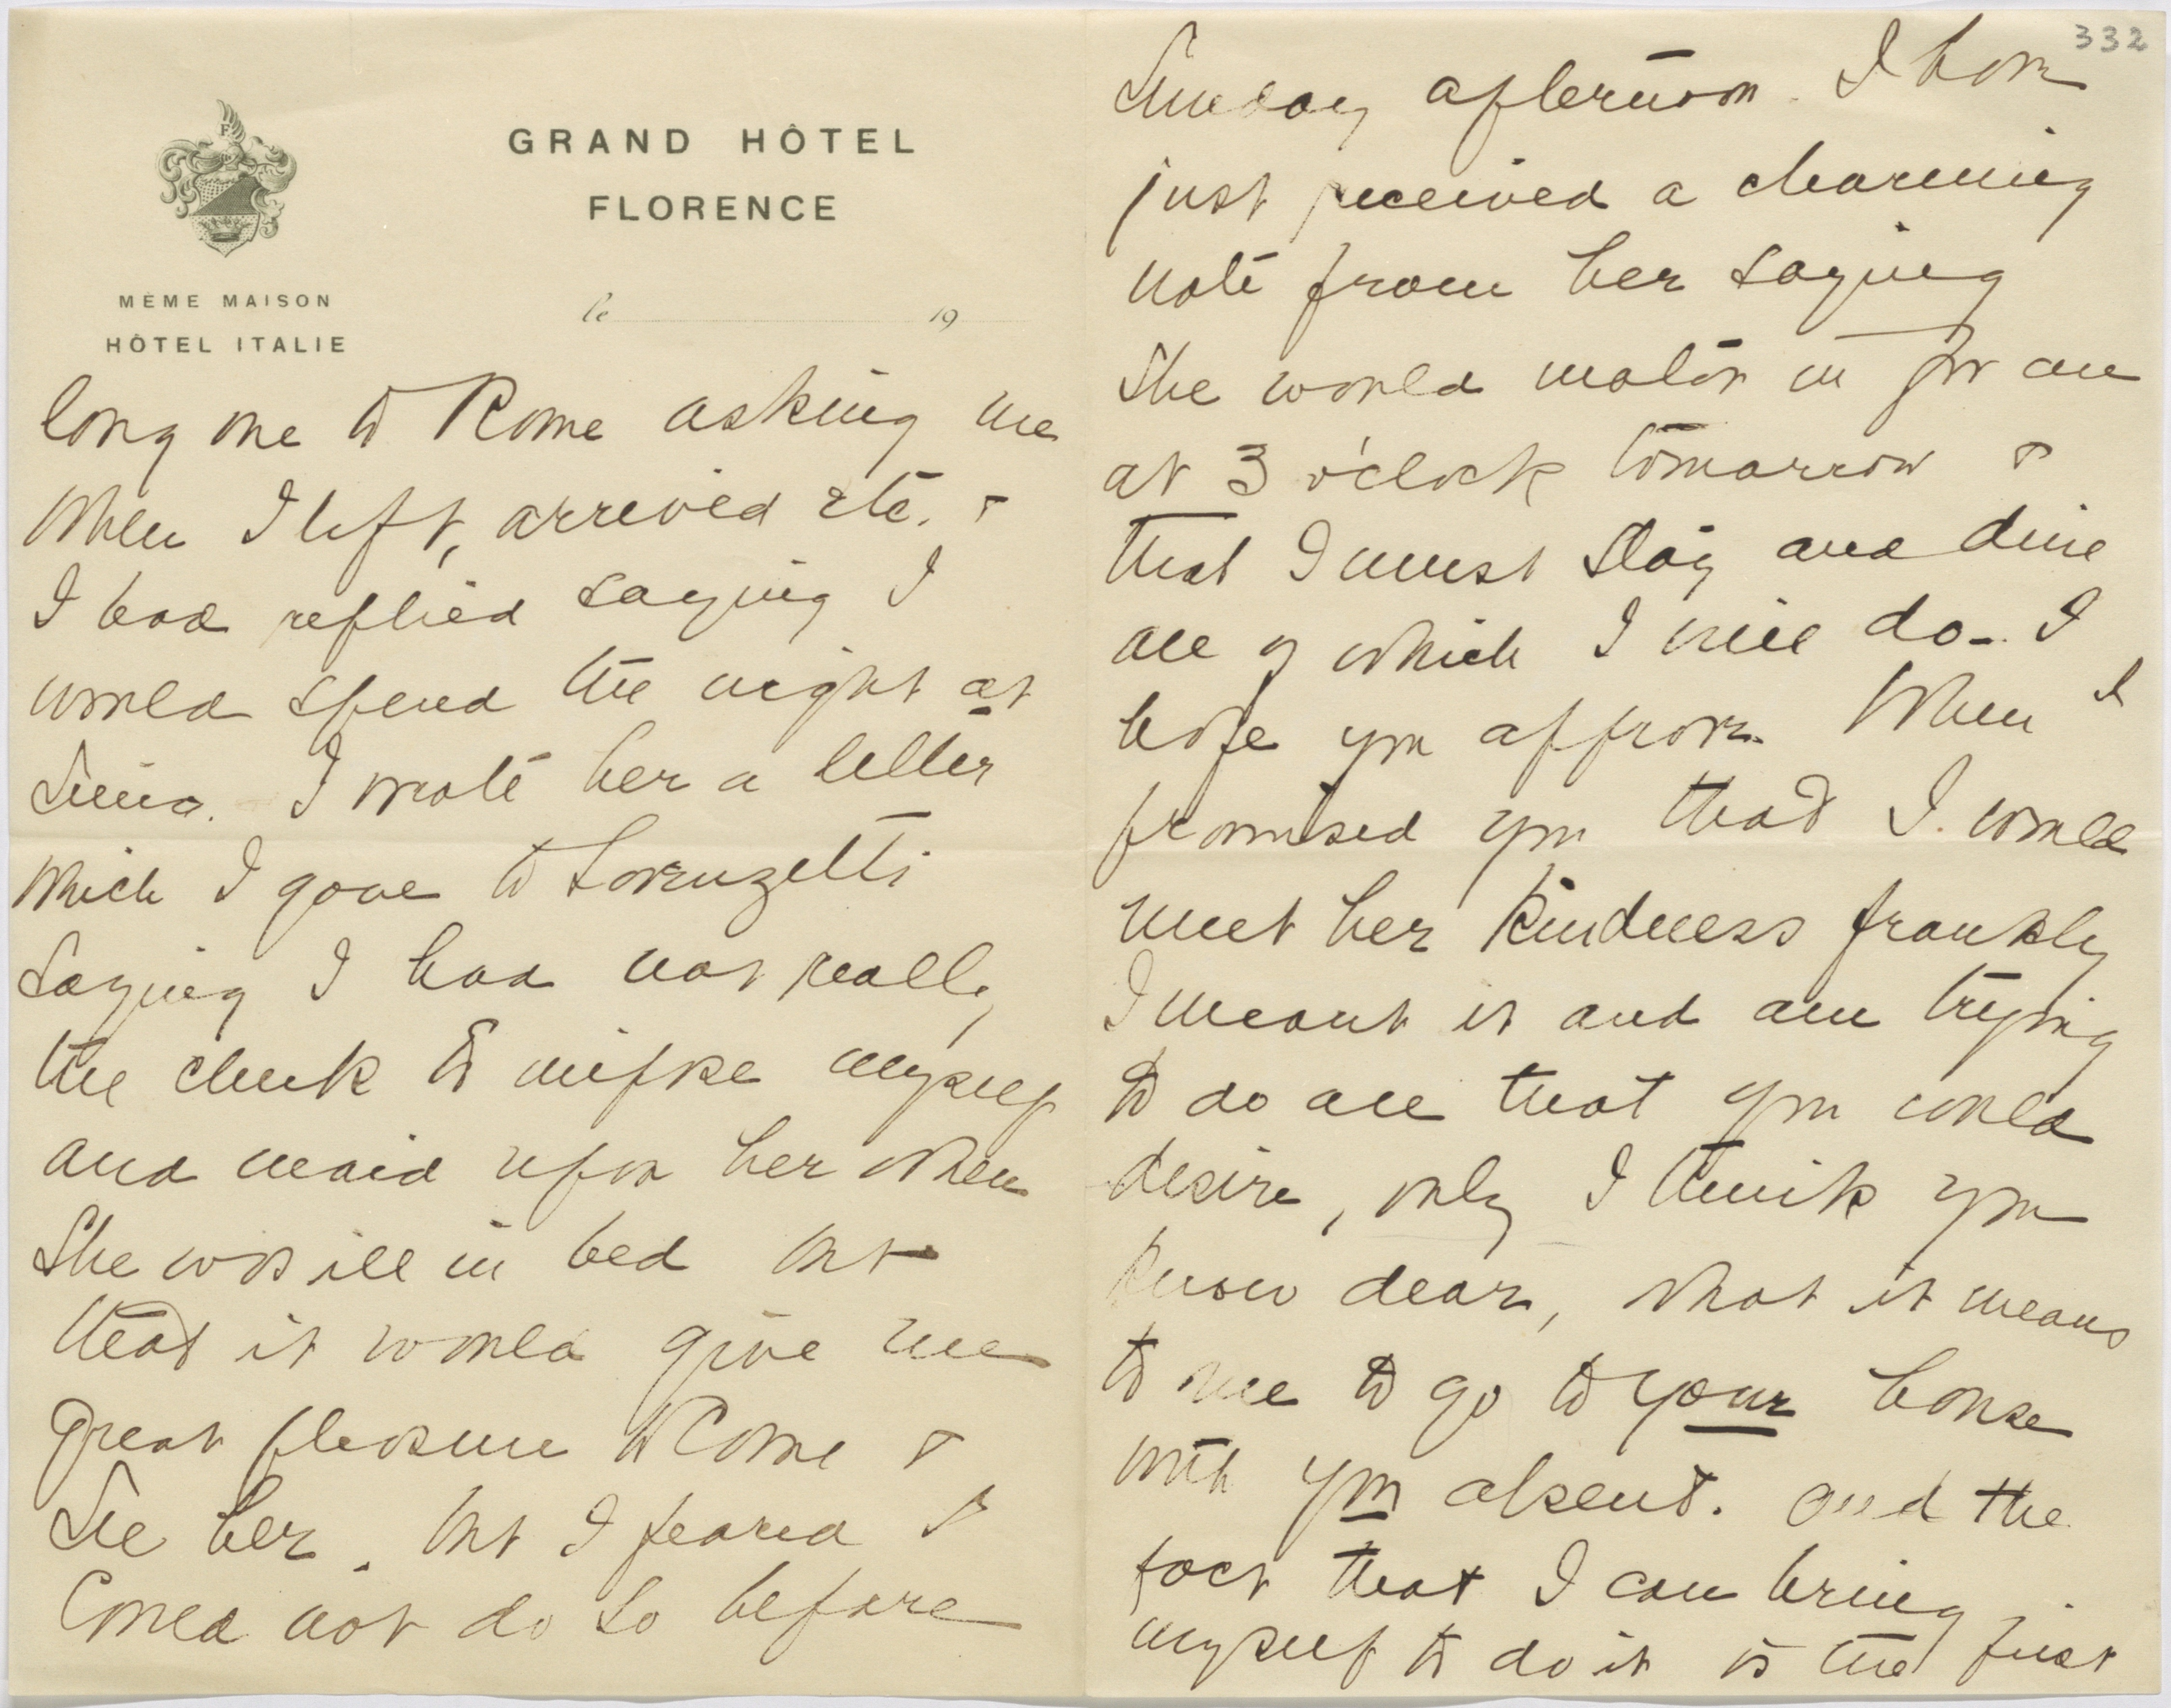long one to Rome asking me when I left, arrived etc. & I had replied saying I would spend the night at Siena. I wrote her a letter which I gave to Lorenzetti saying I had not really the cheek to impose myself and maid upon her when She was ill in bed but that it would give me great pleasure to come to see her – but I feared I could not do so before
Sunday afternoon. I have just received a charming note from her saying she would motor in for me at 3 o’clock tomorrow & that I must stay and dine all of which I will do – I hope you approve – when I promised you that I would meet her kindness frankly I meant it and am trying to do all that you could desire, only I think you know dear, what it means to me to go to your house with you absent. and the fact that I can bring myself to do it is the first